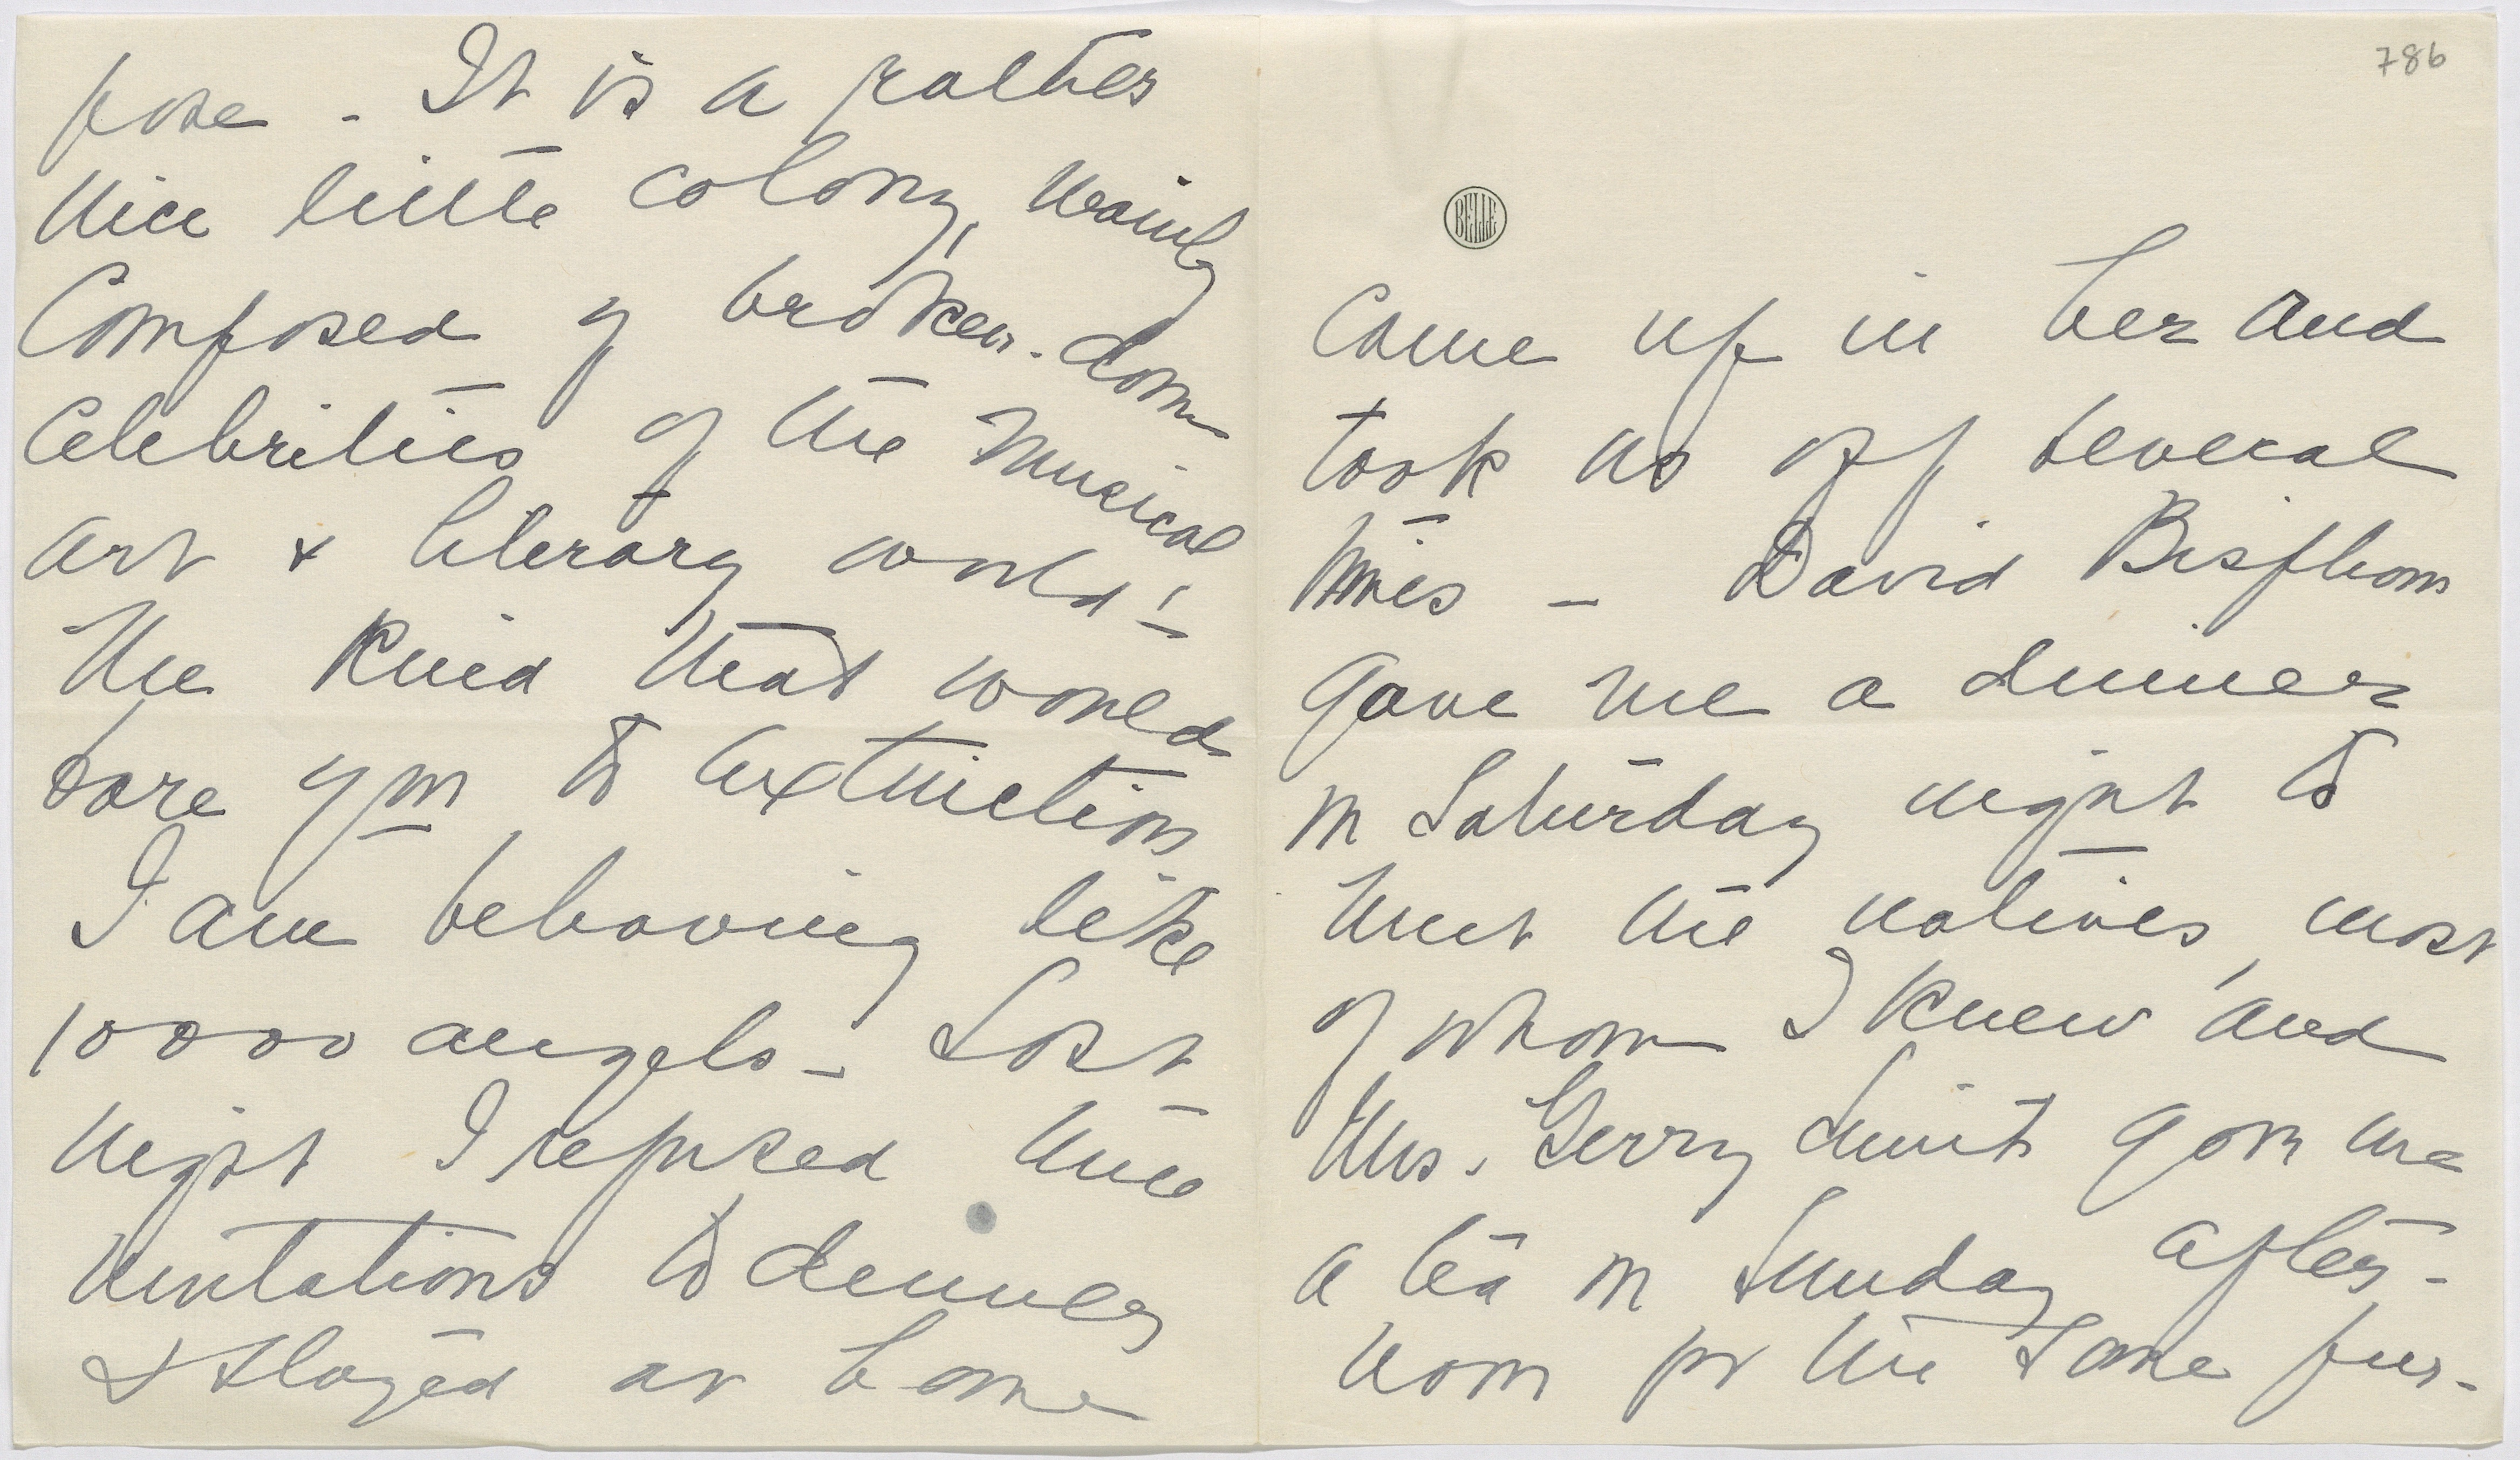came up in her and took us off several times – David Bispham gave me a dinner on Saturday night to meet the natives, most of whom I knew and Mrs. Gerry Smith gave me a tea on Sunday afternoon for the same purpose
– It is a rather nice little colony, mainly composed of broken-down celebrities of the musical art & literary world – The kind that would bore you to extinction
I am behaving like 10000 angels – Last night I refused three invitations to dinner & stayed at home